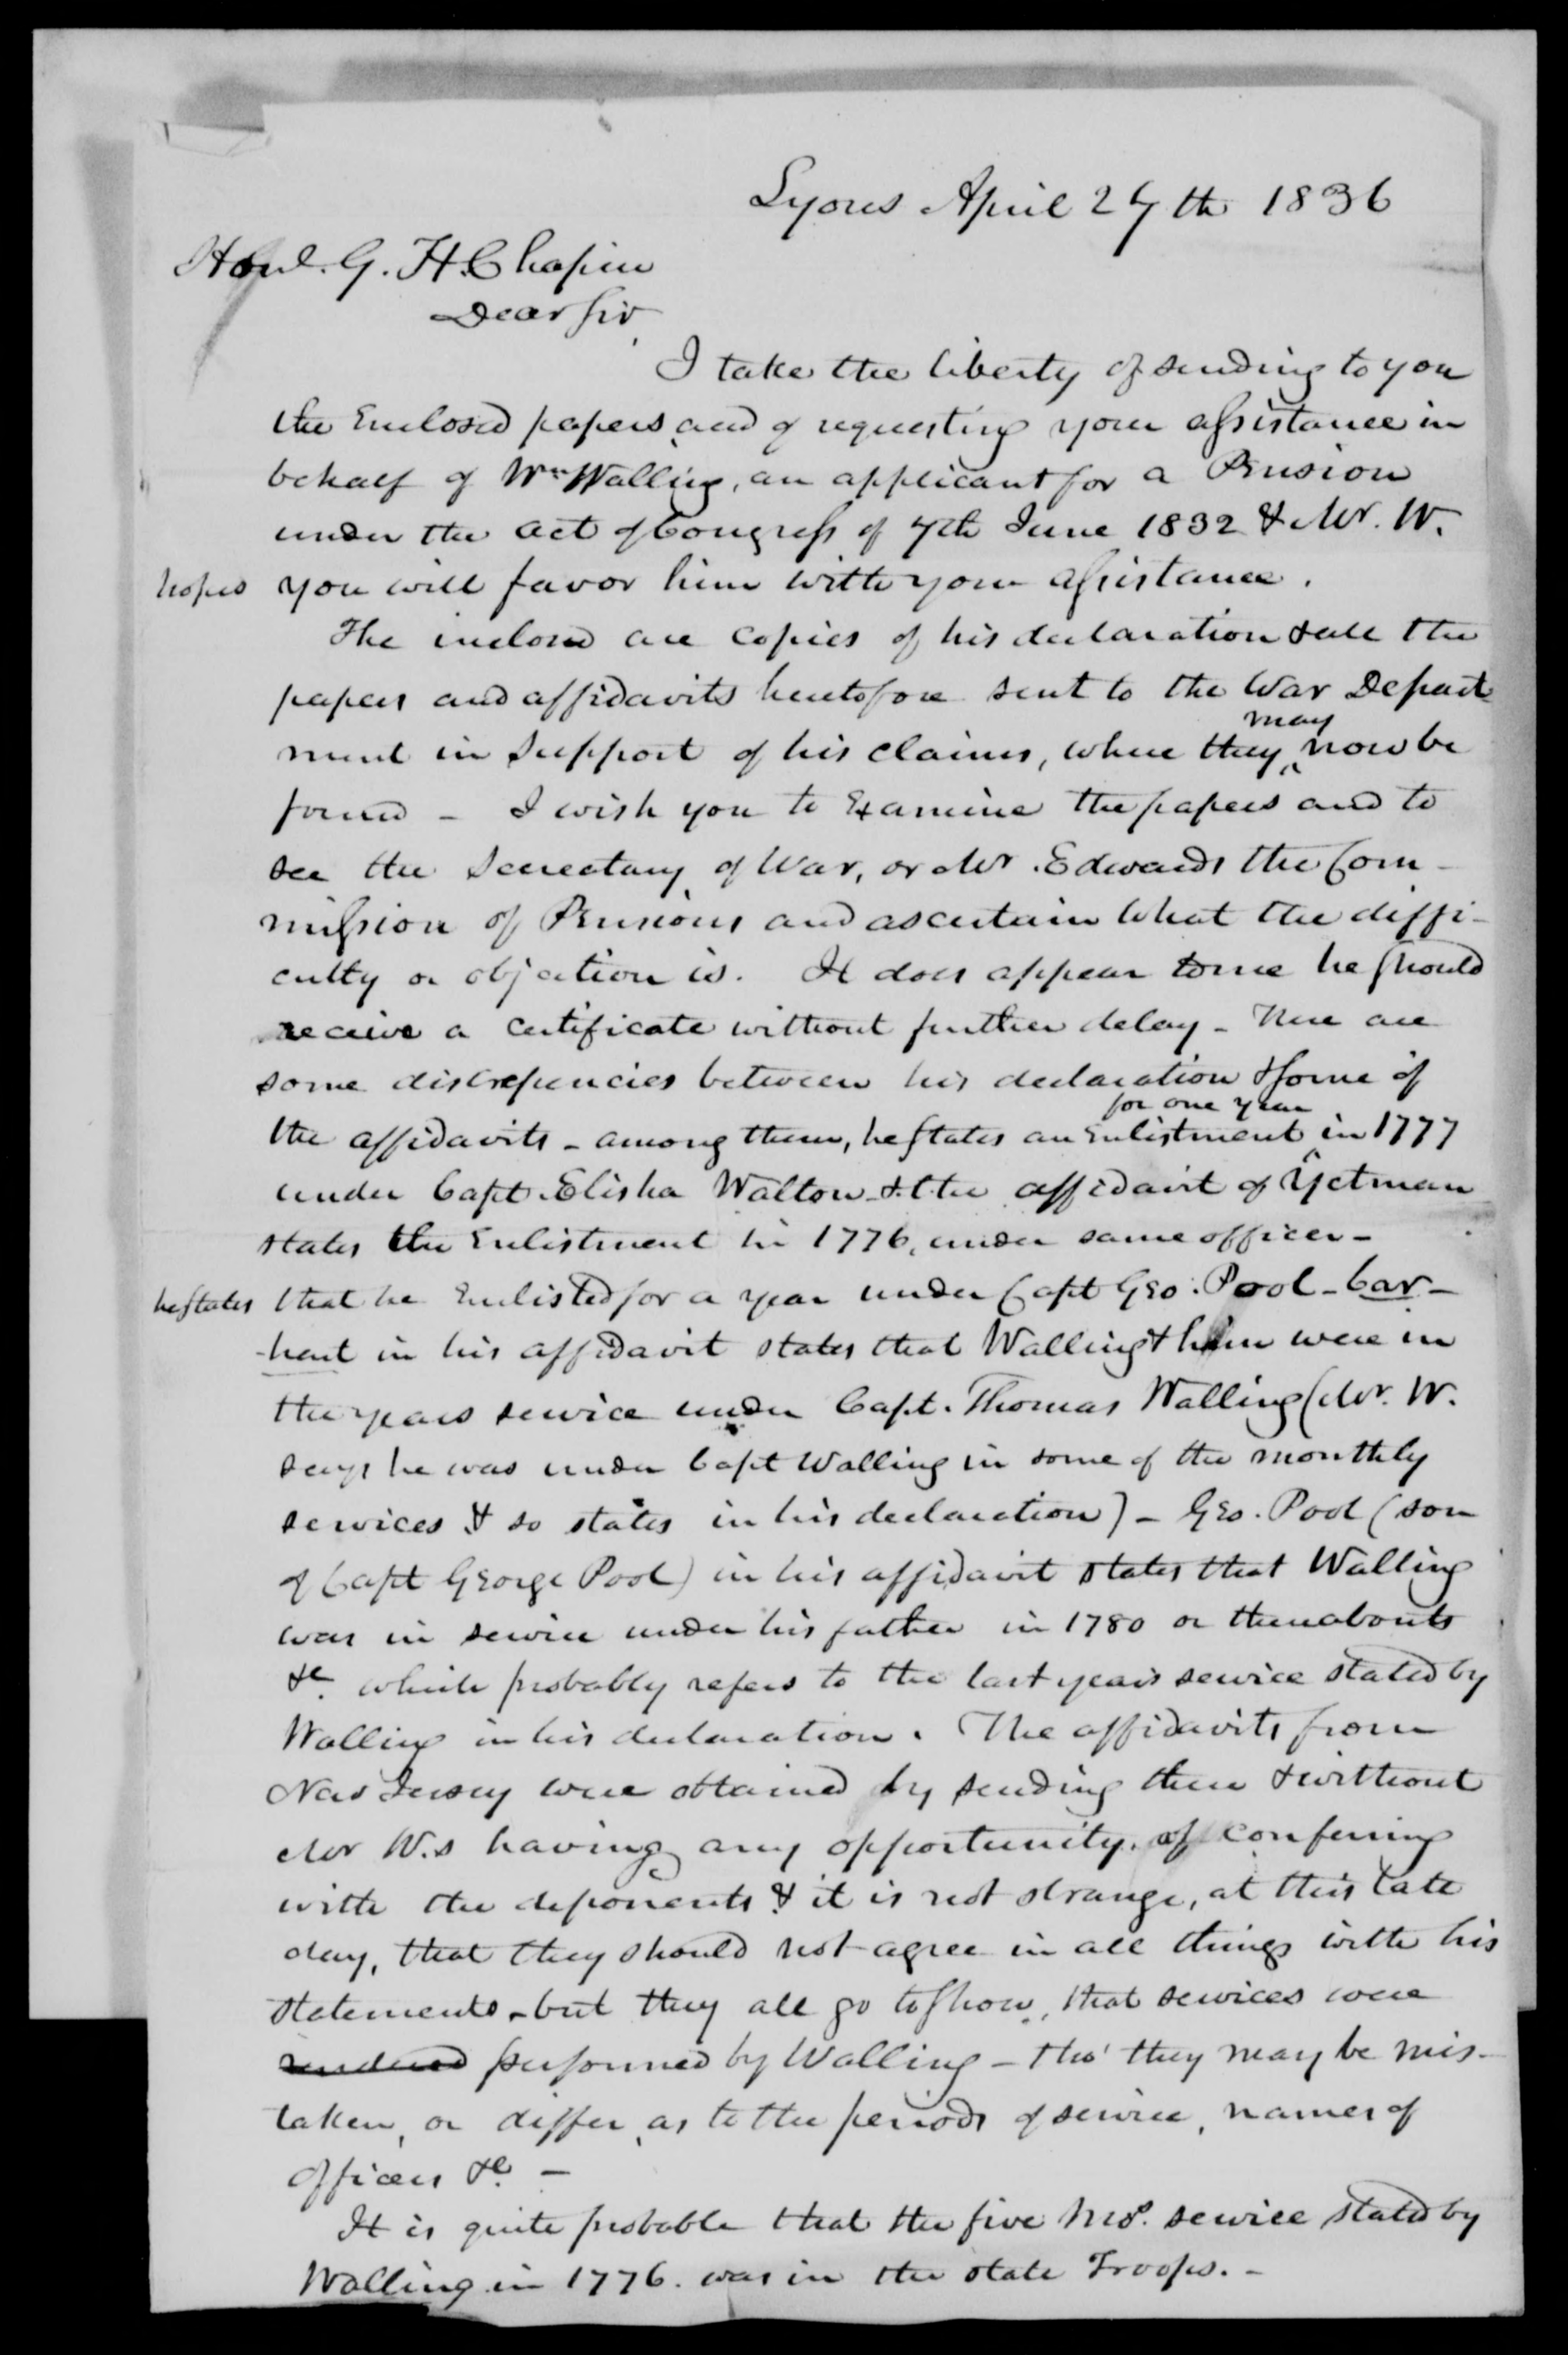Lyons April 27th 1836
Hon G.H. Chapin
Dear Sir,
I take the liberty of sending to you the enclosed papers and of requesting your assistance in  behalf of Wm Walling, an applicant for a Pension under the act of Congress of 7th June 1832 & Wm W hopes you will favor him with your assistance.
The enclosed are copies of his declaration & all the papers and affidavits heretofore sent to the War Department in support of his claims, where they may now be found.  I wish you to examine the papers and to see the Secretary of War, or (illegible) Edwards the Commission of Pensions and ascertain what the difficulty or objections is.  It does appear to me he should receive a certificate without delay.  There are some discrepancies between his declaration & forms of the affidavits among these, he states an enlistment for one year in 1777 under Capt. Elisha Walton & the affidavit of Yetman states the enlistment in 1776 under same officer.  He states that he enlisted for a year under Capt. Geo Pool (illegible) in his affidavit states that Walling & his were in the years service under Capt. Thomas Walling (Wm W says he was under Capt Walling in some of the monthly services & so states in his declaration). Geo Pool (son of Capt. George Pool) in his affidavit states that Walling was in service under his father in 1780 or thereabouts & which probably refers to the last year's service stated by Walling in his declaration.  The affidavits from New Jersey were obtained by sending this & without Wm W's having any opportunity of conferring with the deponents & it is not strange, at this late day, that they should not agree in all things with his statements but they all go to show that services were performed by Walling - tho' they may be mistaken or differ as to the periods of service, names of officers.  It is quite probably that his five mos. service stated by Walling in 1776 was in the state Troops.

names: Edwards, Thomas Walling, Walling, W, Wm Walling, George Pool, Walling, G H Chapin, Walling, Walling, Elisha Walton, Walling, Geo Pool, W, Geo Pool, Walling, W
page: 55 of 66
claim: widow's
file: W. 19588, William Walling, New Jersey